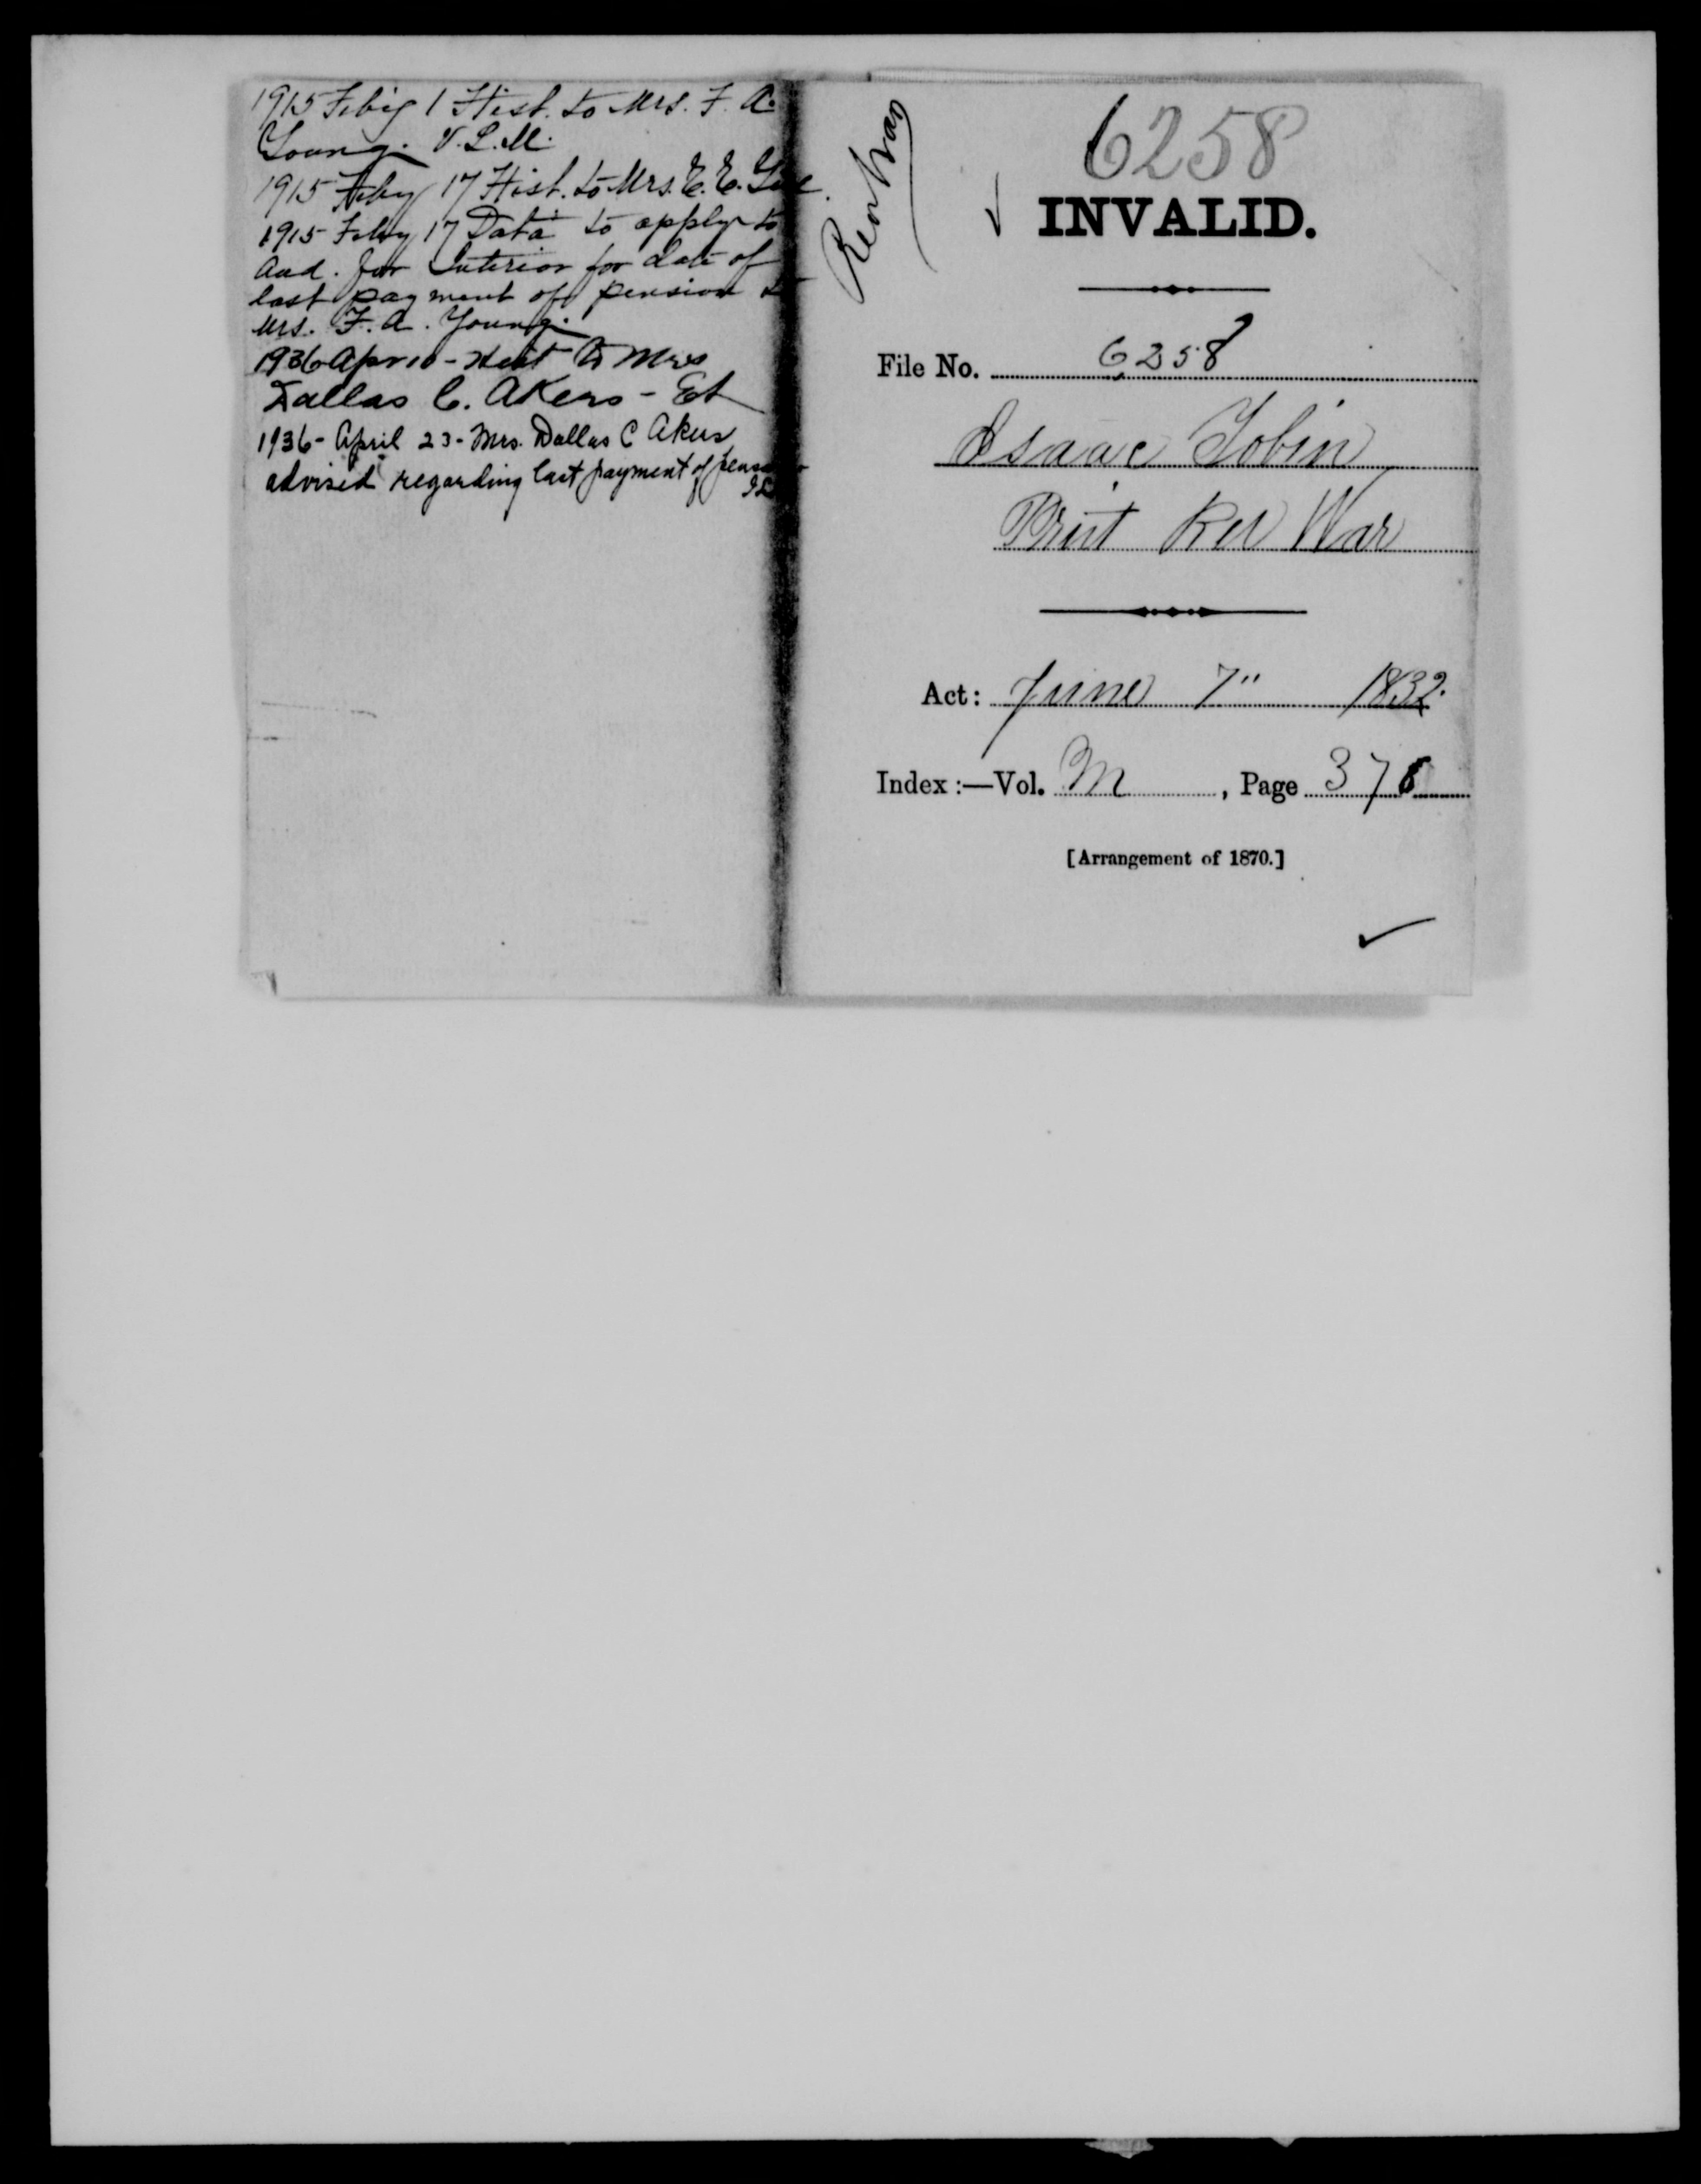1915 Feby 1 Hist to Mrs. F. A. Young. V.L.U
1915 Feby 17 Hist to Mrs. E. E. [Gale?]
1915- Feby 17 Date to apply to and for Interior for date of last payment of pension [to] Mrs. F.A. Young. 
1936 April- note to Mrs. Dallas C. Akers- EL
1936- April 23- Mrs. Dallas C. Akers advised regarding last payment of pension [IL]

[Rinhan]

6258
INVALID.
File No. 6258
Isaac Tobin
Print Rev War

Act: June 7th 1832
Index:- Vol. M, Page 378
[Arrangement of 1870]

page: 22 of 25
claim: survivor's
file: S. 6258, for Isaac Tobin, New Jersey